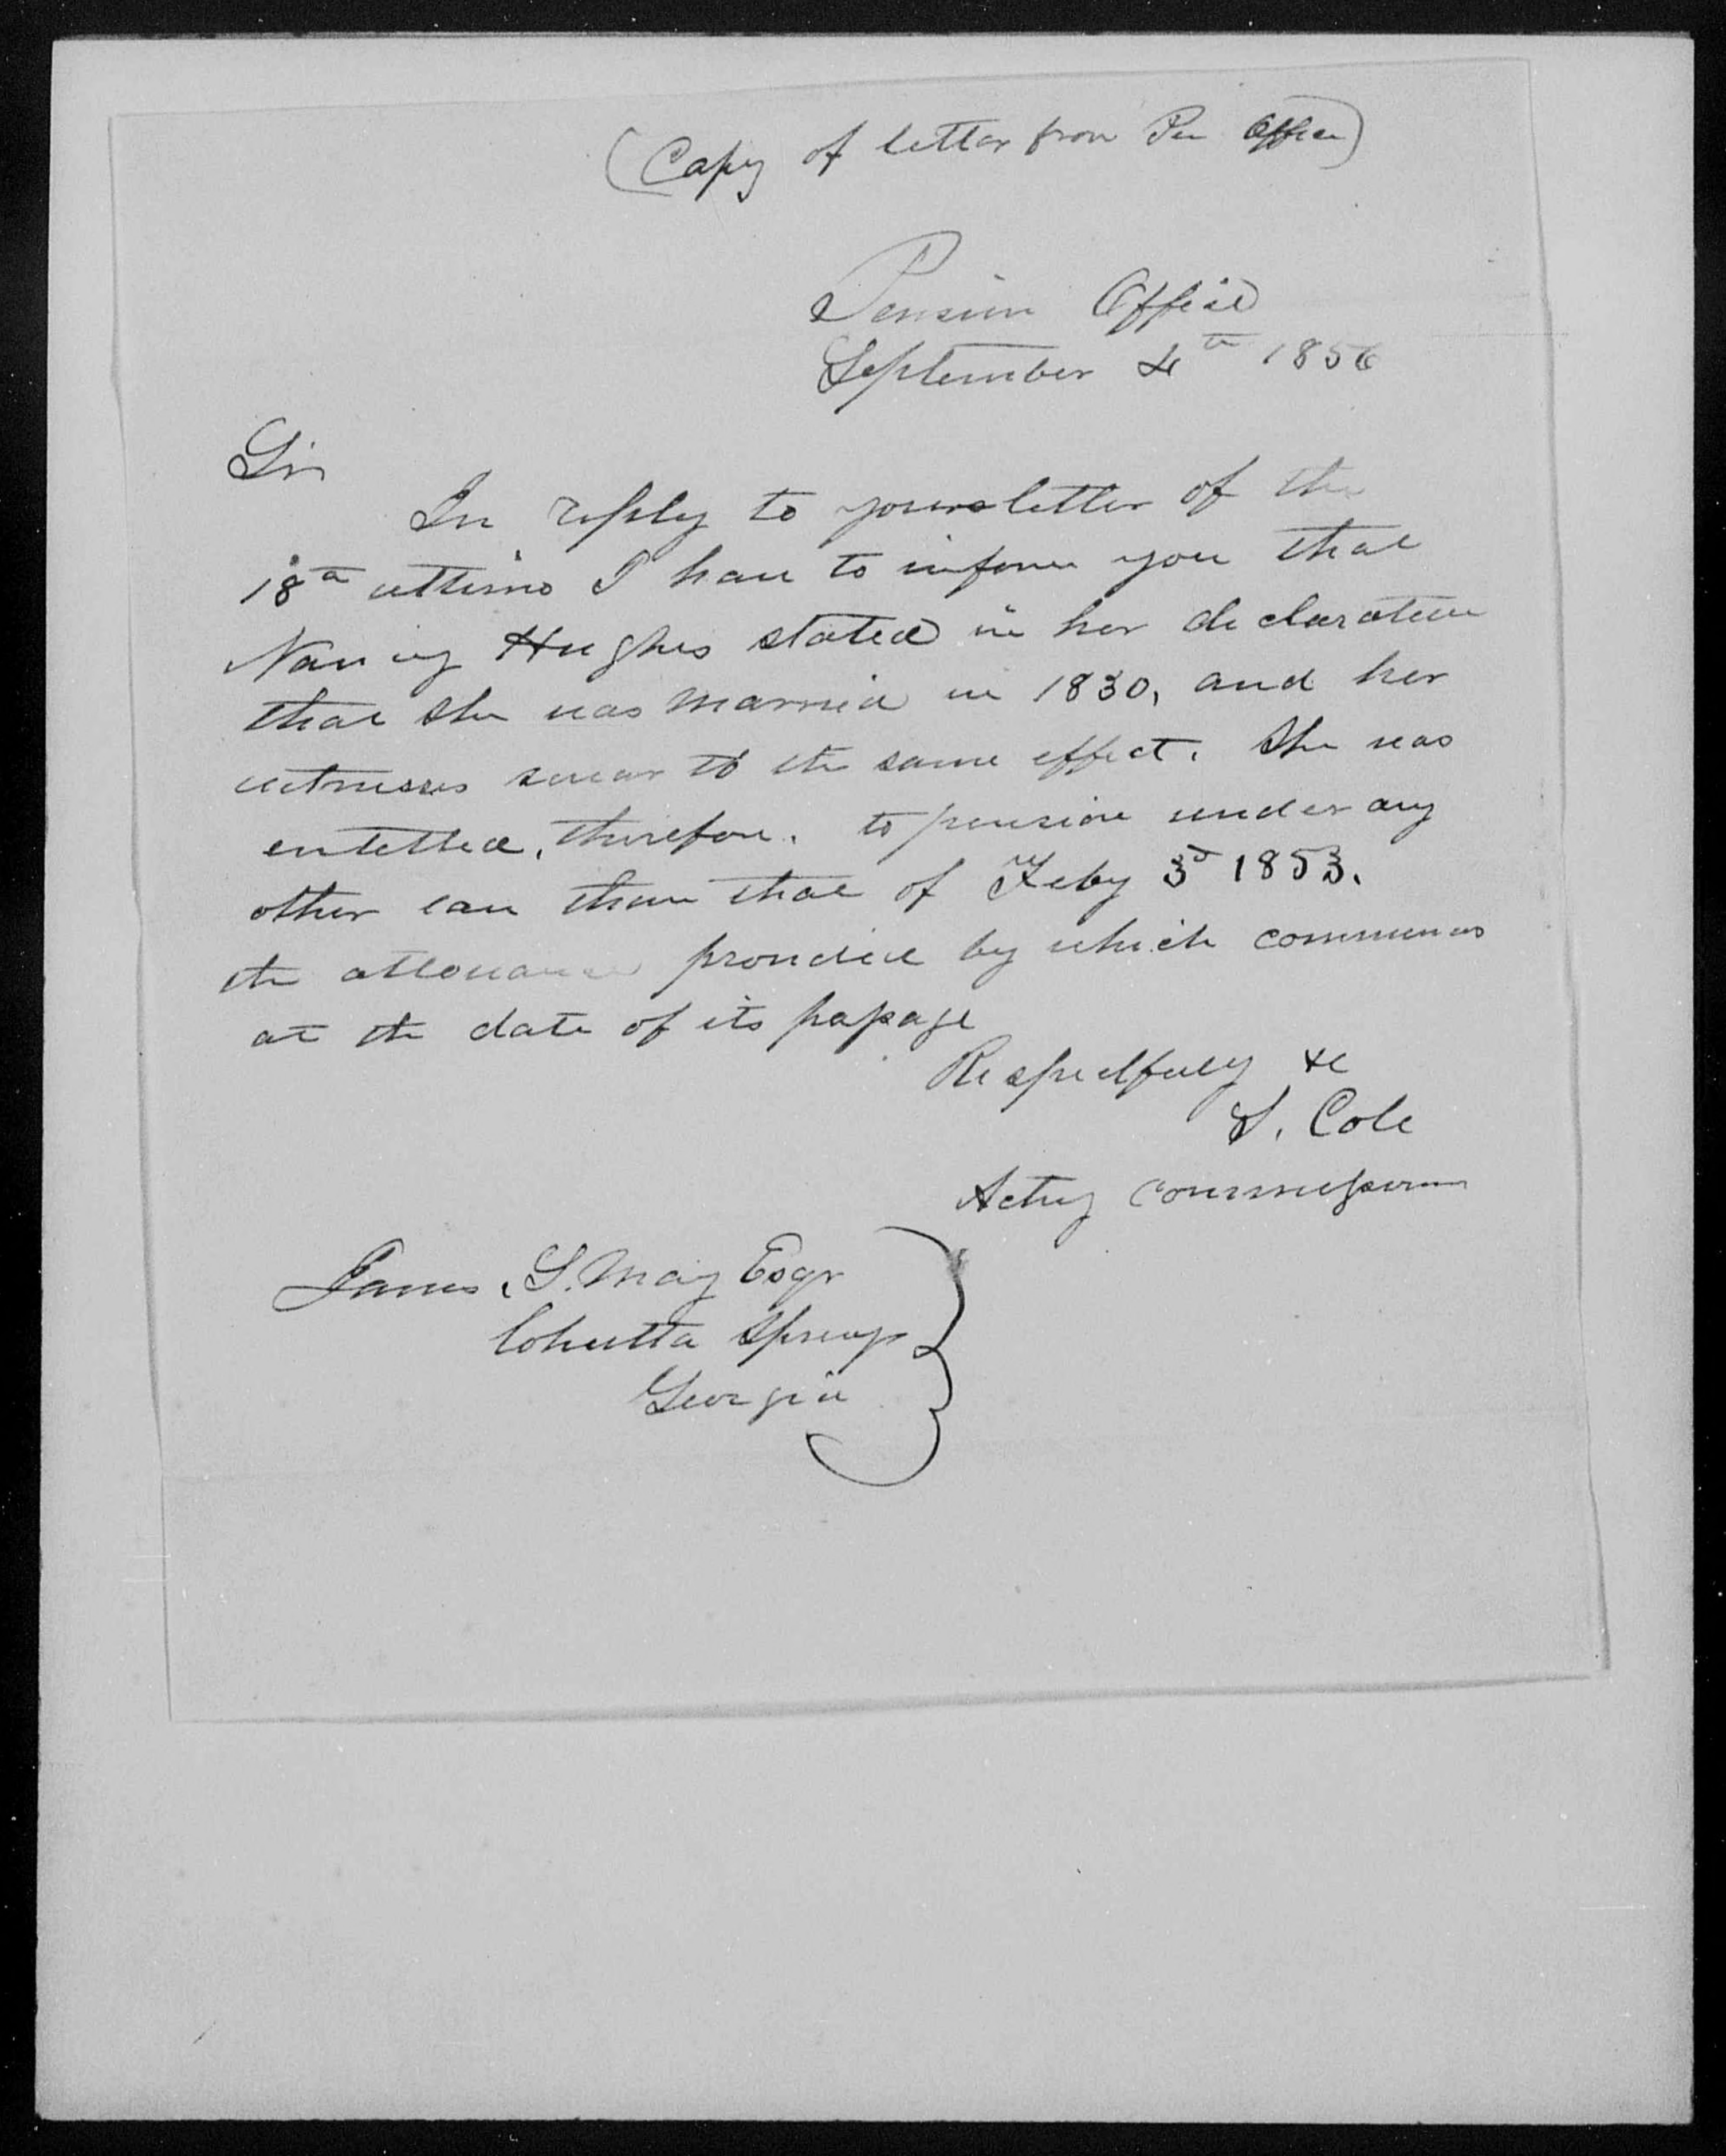( Copy of letter from Pen Office)
Pension Office
September 4th 1856
Sir
In reply to your letter of the
18th ultimo I have to inform you that
Nancy Hughes stated in her declaration
that she was married in 1830, and her
witnesses swear to the same effect. She was
entitled therefore, to pension under any
other can then that of Feby 3d 1853
the allowance provided by which commences
at the date of its passage
Respectfully &c
S. Cole
Acting commissioner

James S. May Esqr
Cohutta Springs
Georgia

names: Nancy Hughes, S Cole, James S May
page: 35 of 75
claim: widow's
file: W. 25805, Andrew Hughes, N.C.